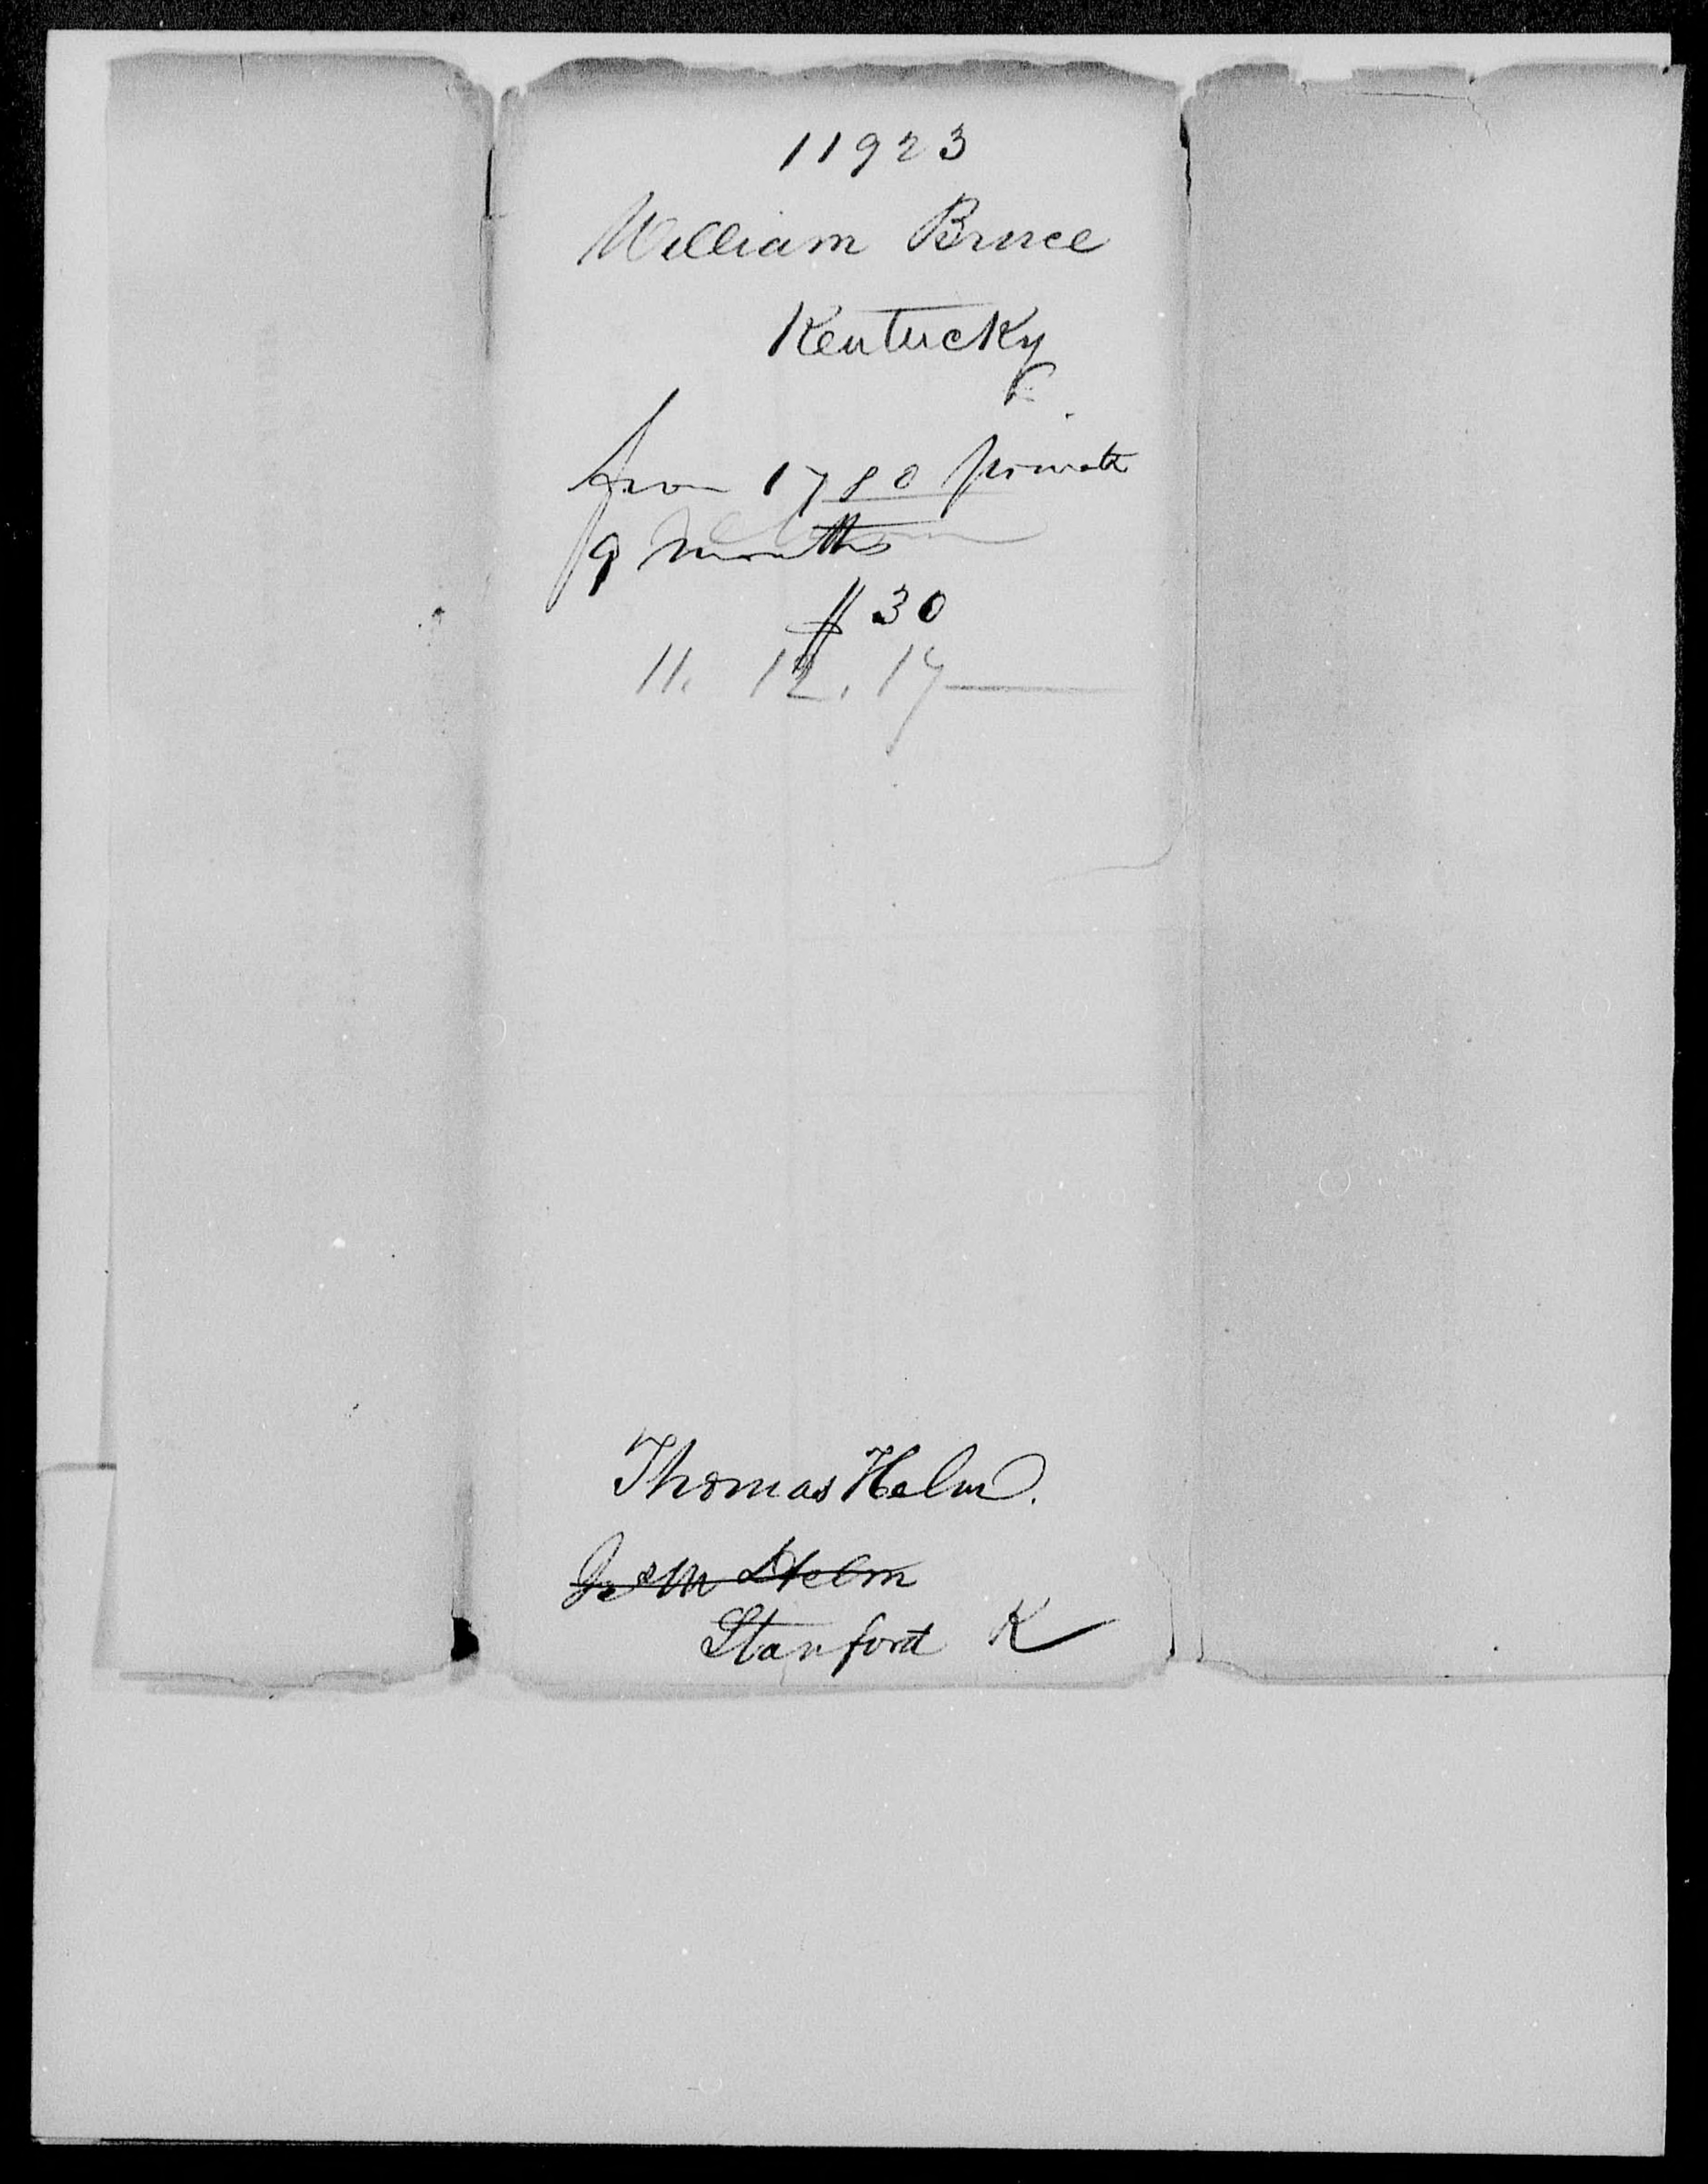11923
William Bruce
Kentucky
from 1780 private
9 months 
$30
11.12.19

Thomas Helm
Stanford K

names: Jas M Helm, William Bruce, Thomas Helm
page: 9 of 54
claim: survivor's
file: S. 30287, William Bruce, N.C.